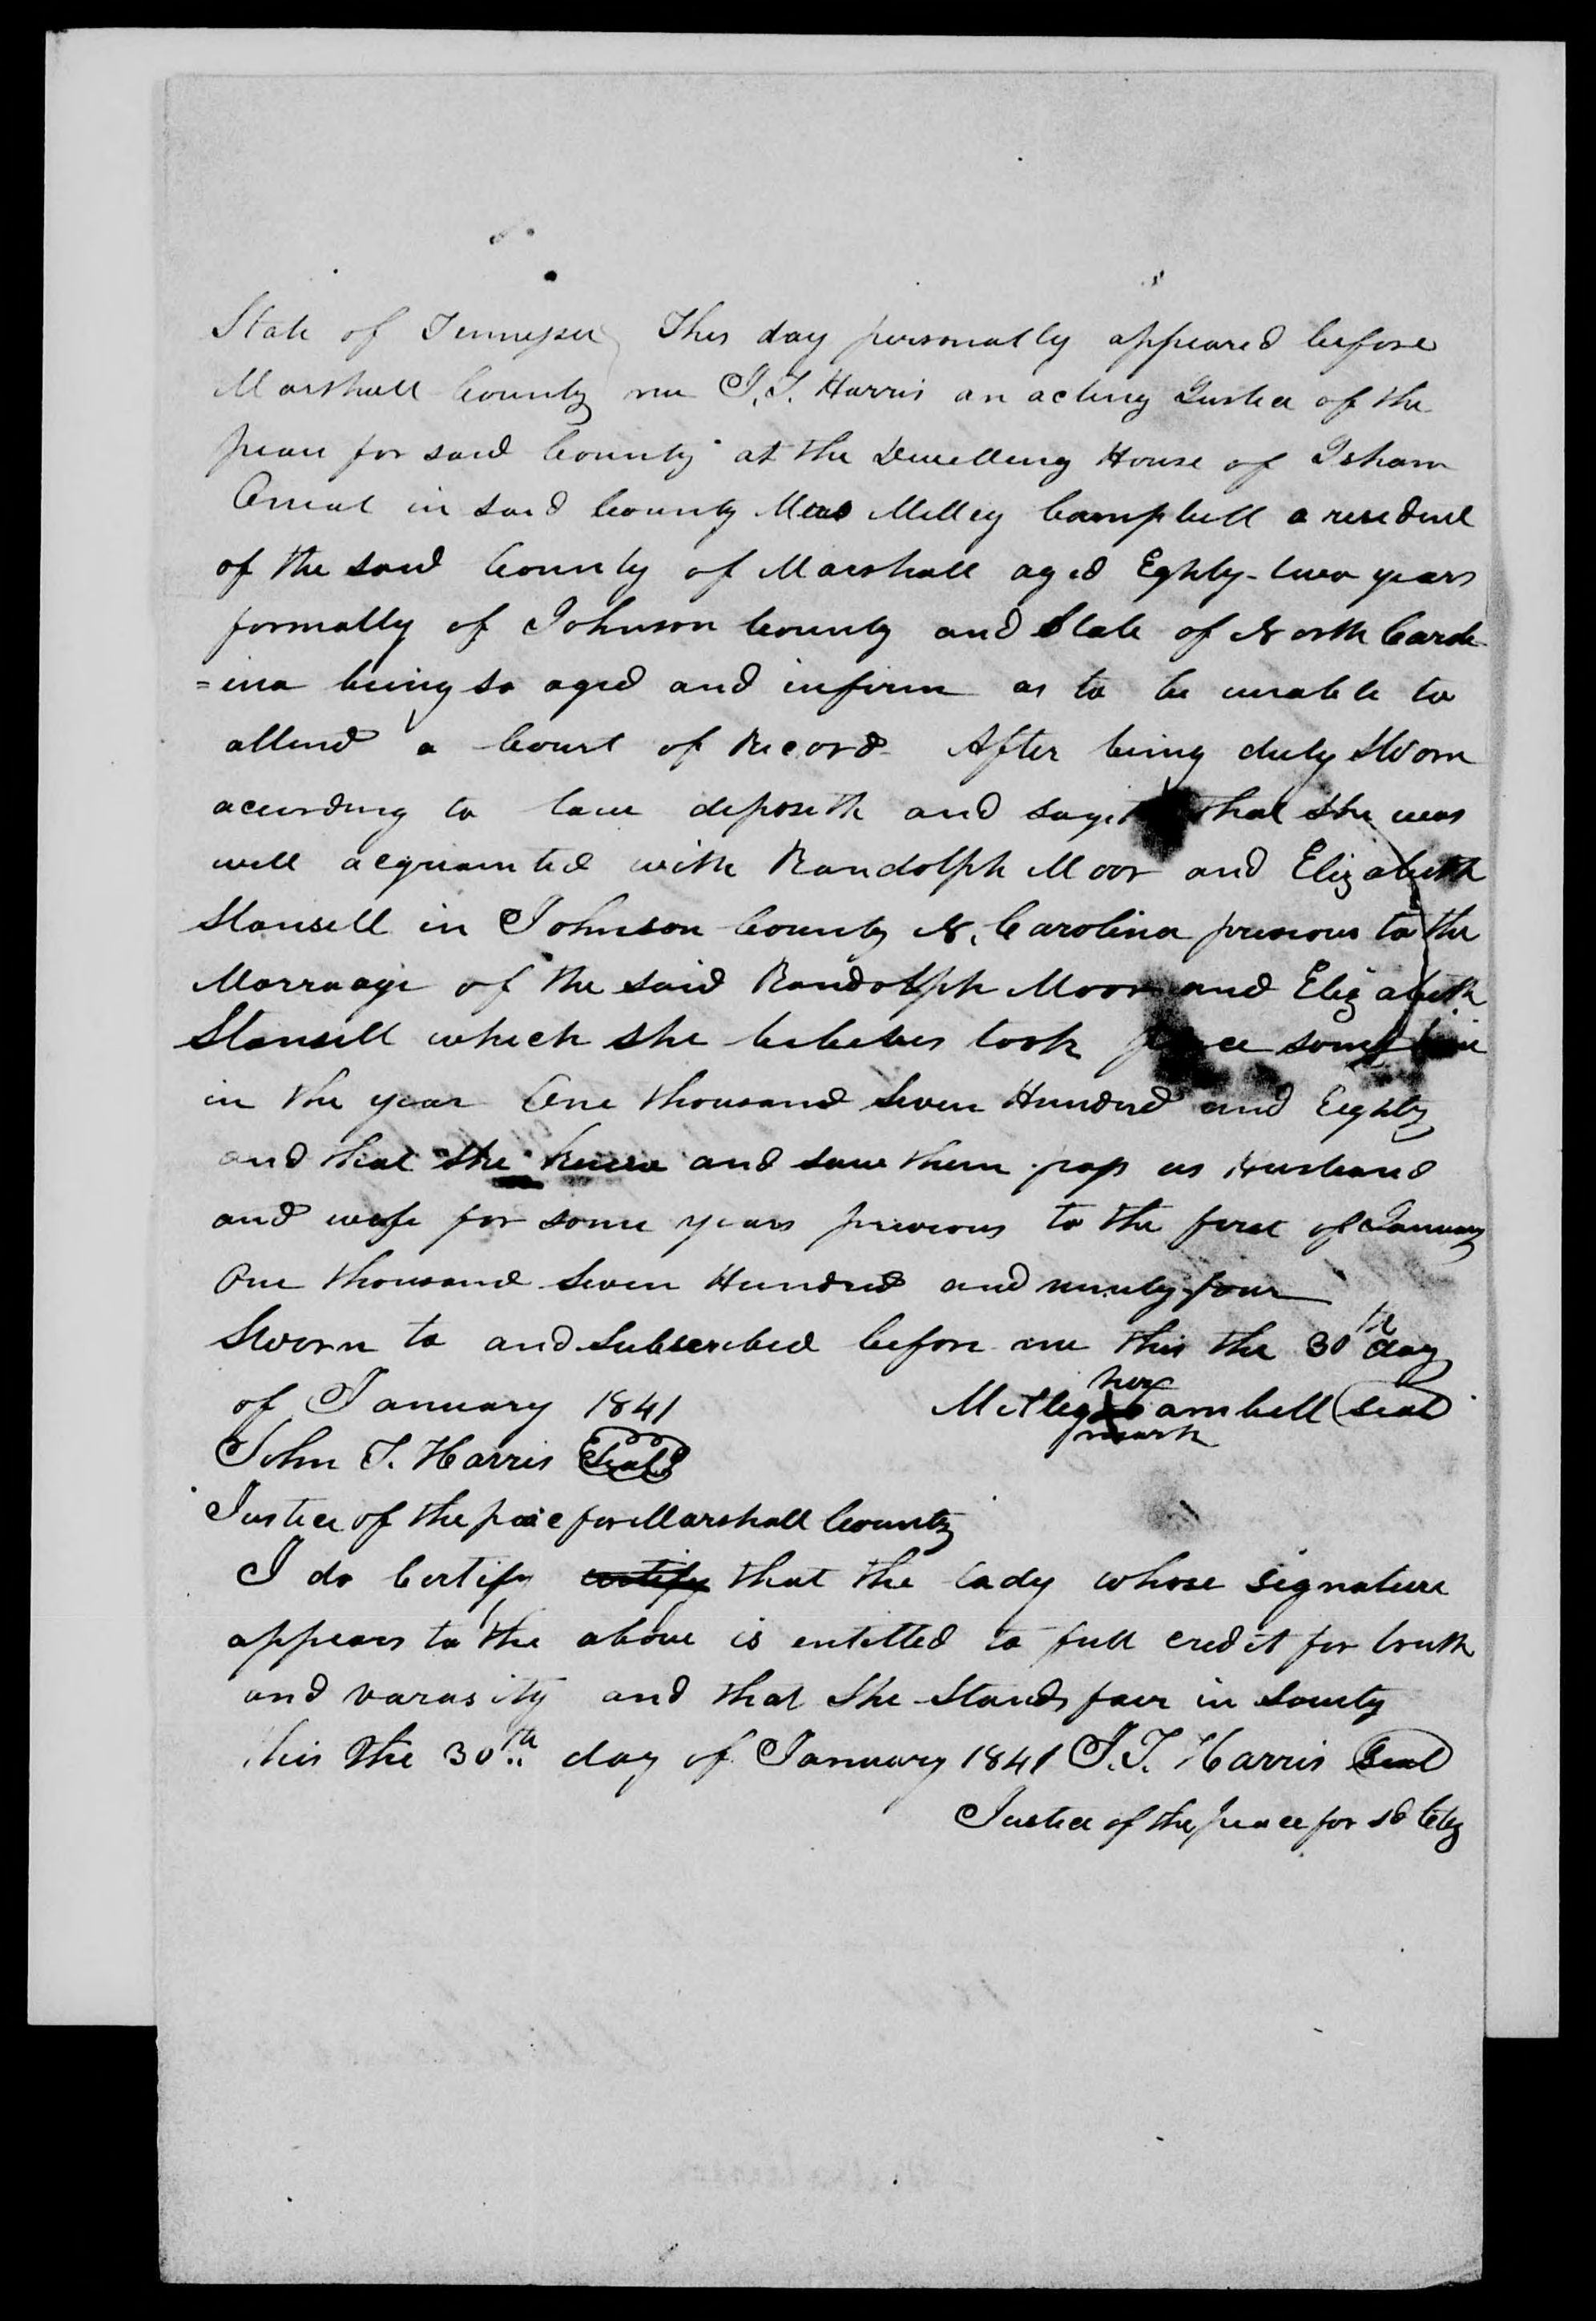State of Tennessee}
Marshall County}
This day personally appeared before me J. T. Harris an acting Justice of the peace for said county at the dwelling house of Isham Anial in said County Mrs. Milley Campbell a resident of the said County of Marshall aged Eighty-two years formally of Johnson County and state of North Carolina being so aged and infirm as to be unable to attend a Court of record. After being duly sworn according to law deposeth and sayeth that she was well acquainted with Randolph Moor and Elizabeth Stansell in Johnson County N. Carolina previous to the marriage of the said Randolph Moore and Elizabeth Stansill which she believes took place some time in the year One thousand seven hundred and eighy and that she knew and saw them pass as Husband and wife for some years previous to the first of January one thousand seven hundred and ninty four. Sworn to and subscribed before me this the 30th day of January 1841
[Signatures]
Milley Campbell X her mark seal
John T. Harris [seal]
Justice of the peace for Marshall County

I do certify that the lady whose signature appears to the above is entitled to full credit for  truth and verasity and that she stands fair in society This the 30th day of January 1841
[Signature]
J. T. Harris [seal]
Justice of the peace for sd Cty.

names: Randolph Moor; Mitley Cambell; J T Harris; Elizabeth Stansell; John T Harris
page: 12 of 33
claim: widow's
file: W. 52, for Randolph Moore, North Carolina